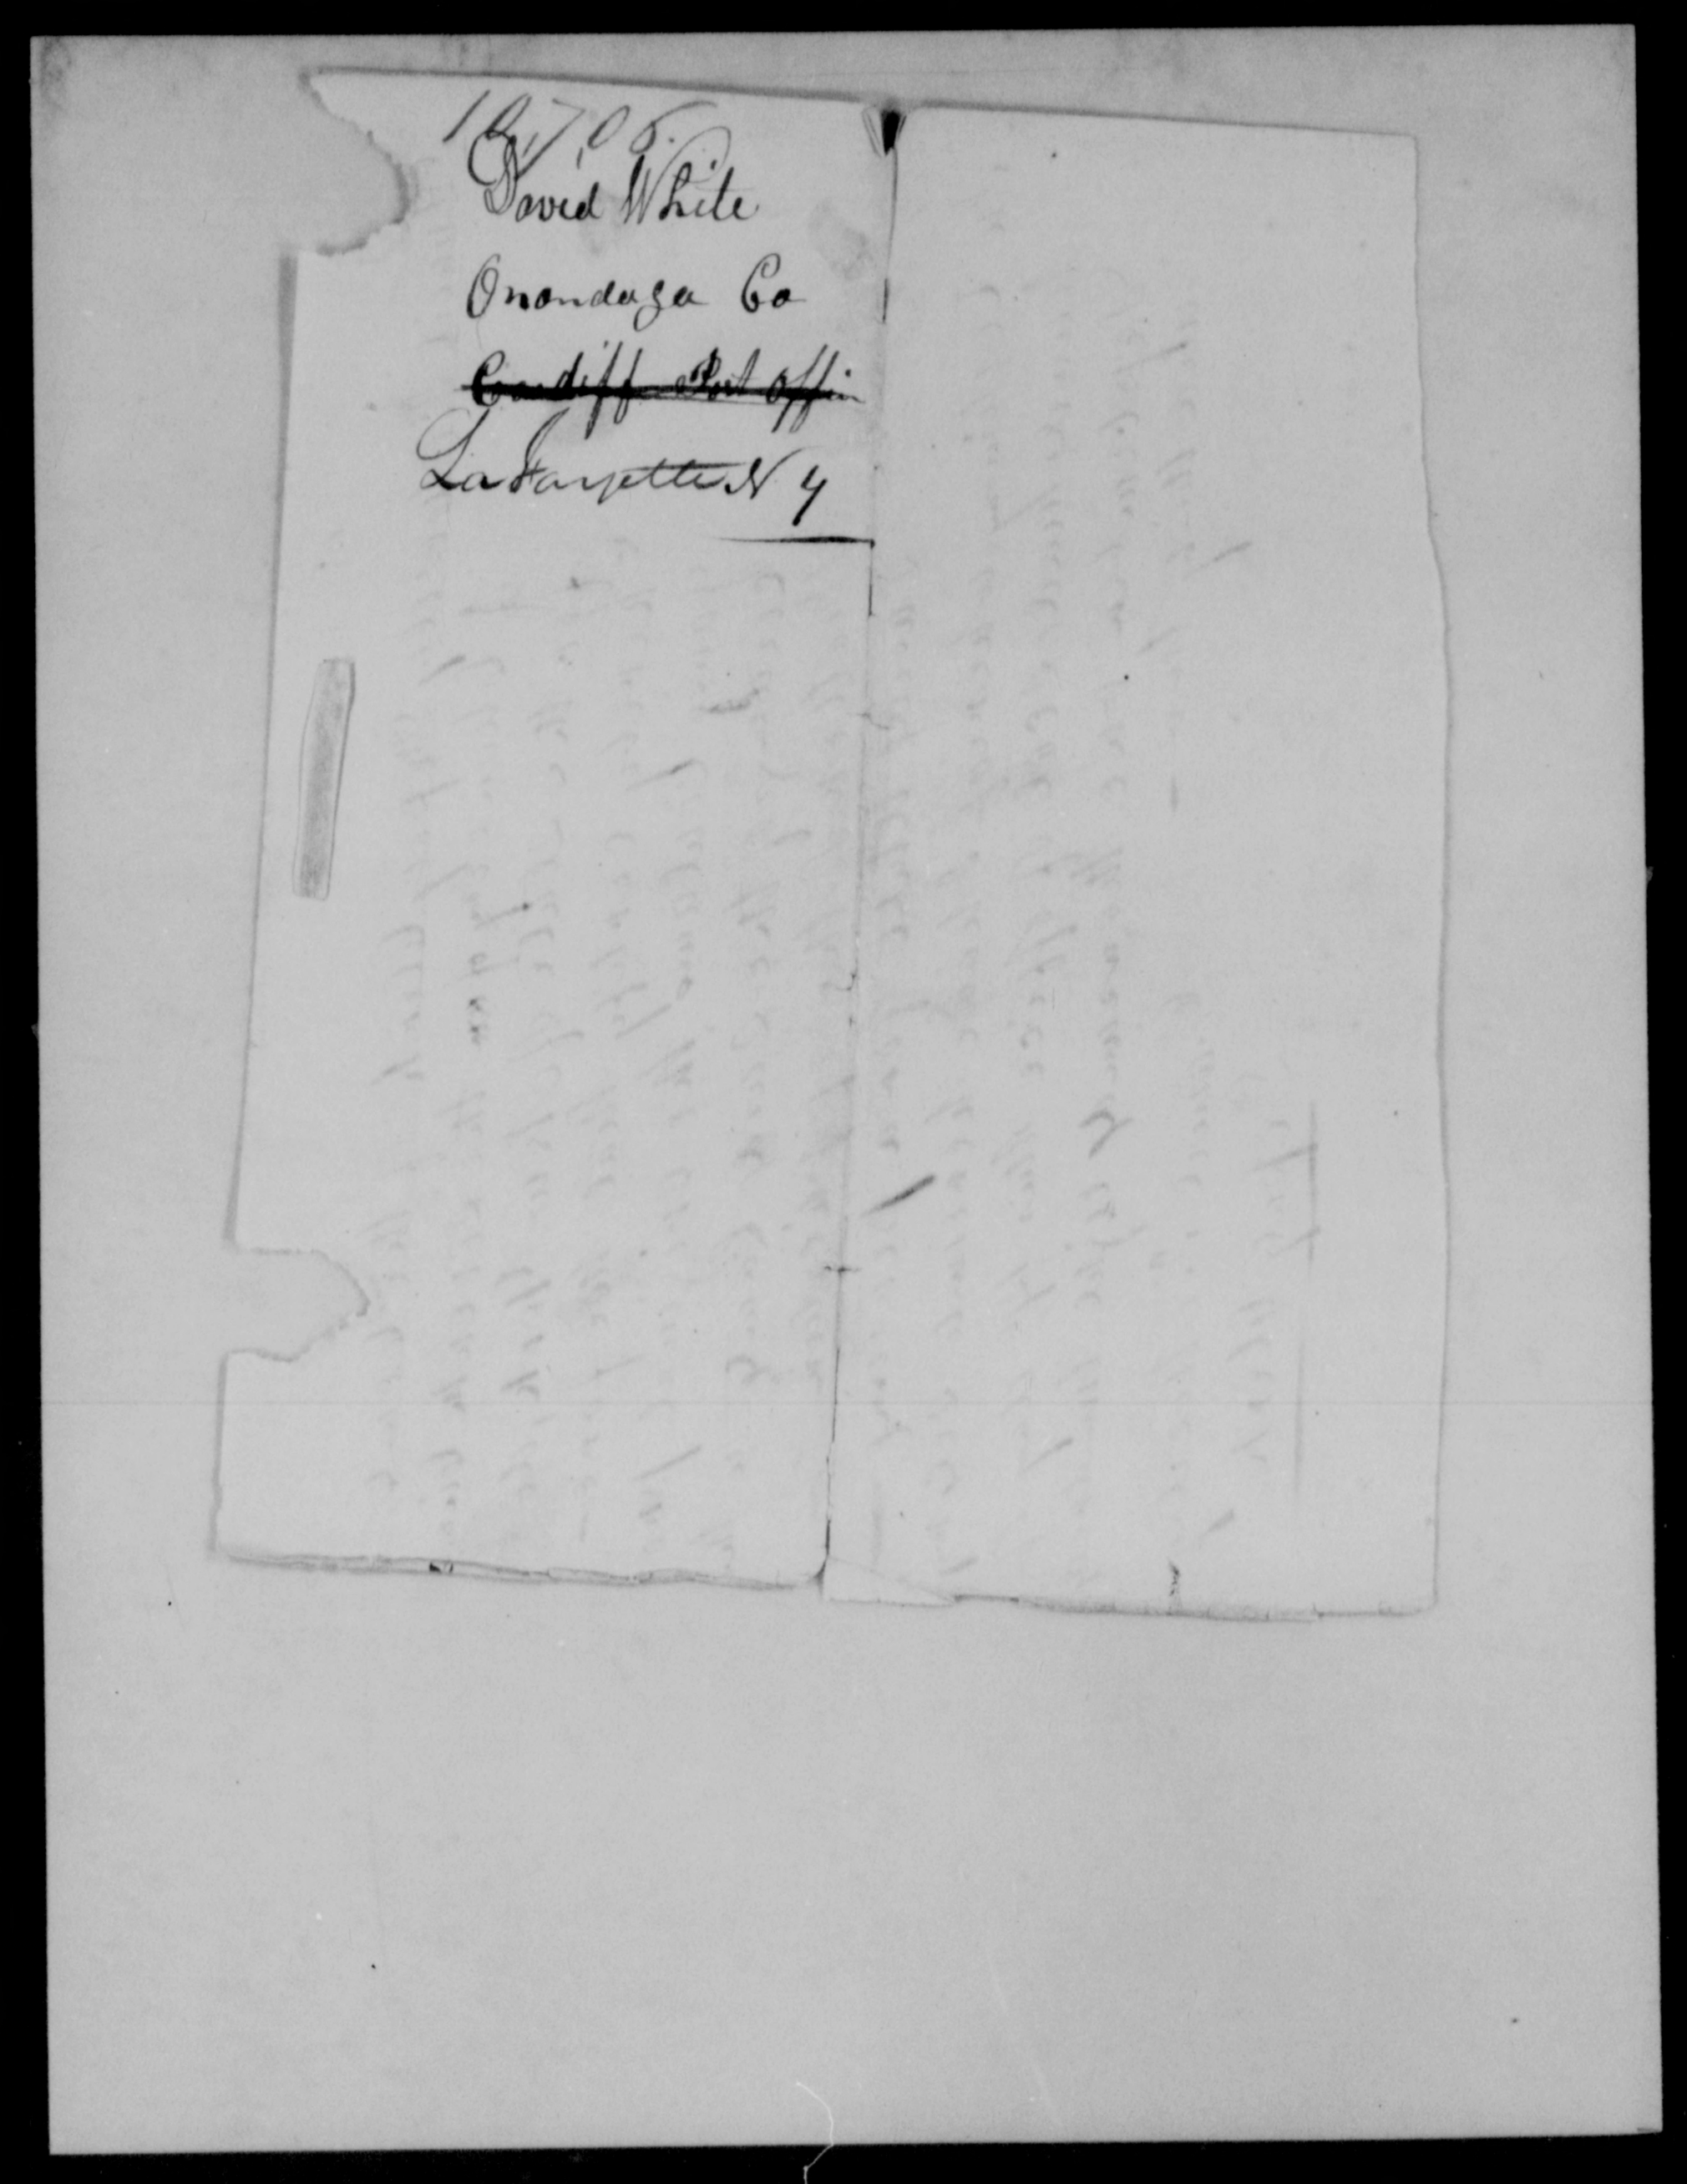10706
David White
Onondaga Co
LaFayette NY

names: David White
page: 8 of 63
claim: widow's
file: W. 18403, David White, Conn.